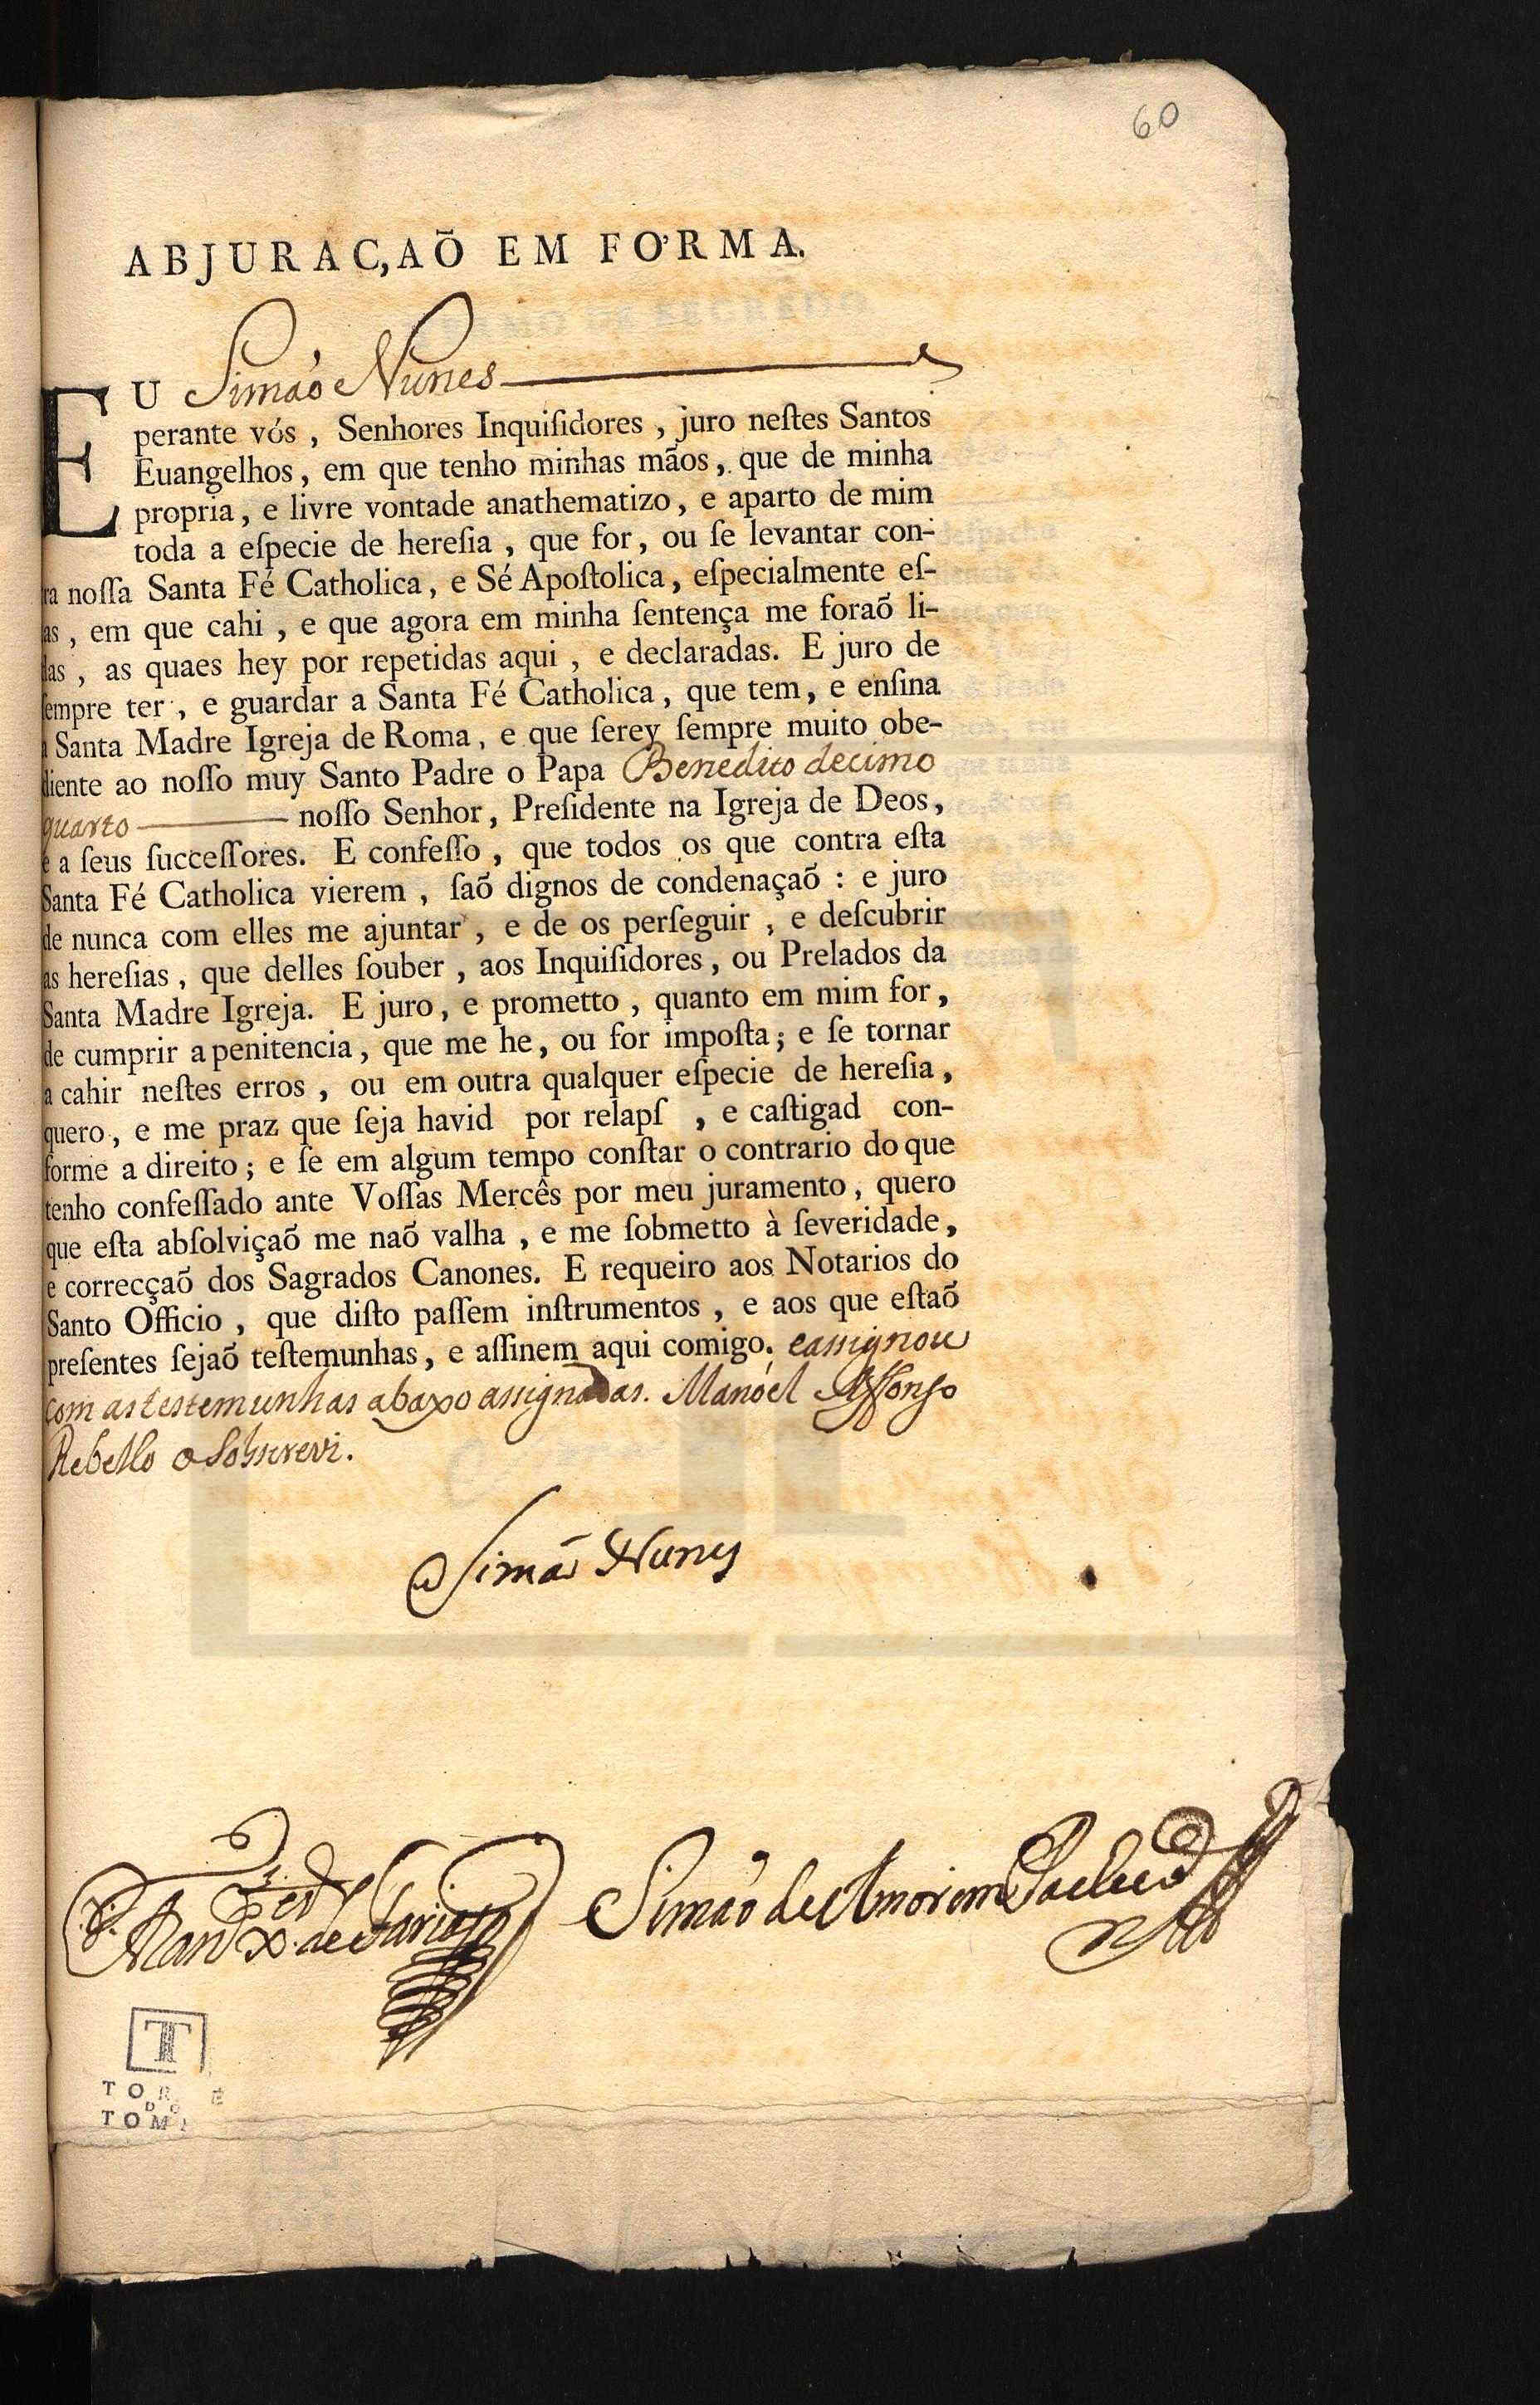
ABJURAÇAÕ EM FÓRMA.
E
U Simaõ Nunes.
perante vós, Senhores Inquisidores, juro nestes Santos
Euangelhos, em que tenho minhas mãos, que de minha
propria, e livre vontade anathematizo, e aparto de mim
toda a especie de heresia, que for, ou se levantar con
ra nossa Santa Fé Catholica, e Sé Apostolica, especialmente es
as, em que cahi, e que agora em minha sentença me foraõ li
das, as quaes hey por repetidas aqui, e declaradas. E juro de
empre ter, e guardar a Santa Fé Catholica, que tem, e ensina
Santa Madre Igreja de Roma, e que serey sempre muito, obe
diente ao nosso muy Santo Padre o Papa Benedito decimo
quarto
nosso Senhor, Presidente na Igreja de Deos,
a seus successores. E confesso, que todos os que contra esta
santa Fé Catholica vierem, saõ dignos de condenaçaõ: e juro
de nunca com elles me ajuntar, e de os perseguir, e descubrir
as heresias, que delles souber, aos Inquisidores, ou Prelados da
Santa Madre Igreja. E juro, e prometto, quanto em mim for,
de cumprir a penitencia, que me he, ou for imposta; e se tornar
cahir nestes erros, ou em outra qualquer especie de heresia,
quero, e me praz que seja havid por relaps, e castigad con
forme a direito; e se em algum tempo constar o contrario do que
tenho confessado ante Vossas Mercês por meu juramento, quero
que esta absolviçaõ me naõ valha, e me sobmetto à severidade,
e correcçaõ dos Sagrados Canones. E requeiro aos Notarios do
Santo Officio, que disto passem instrumentos, e aos que estaõ
presentes sejaõ testemunhas, e assinem aqui comigo; e assignou
com as testemunhas abaxo assignadas. Manoel Affonso
Rebello o Sobscrevi.
Simaõ Nunes
FRanco x.er de Faria
Simaõ de Amorim Pacheco
